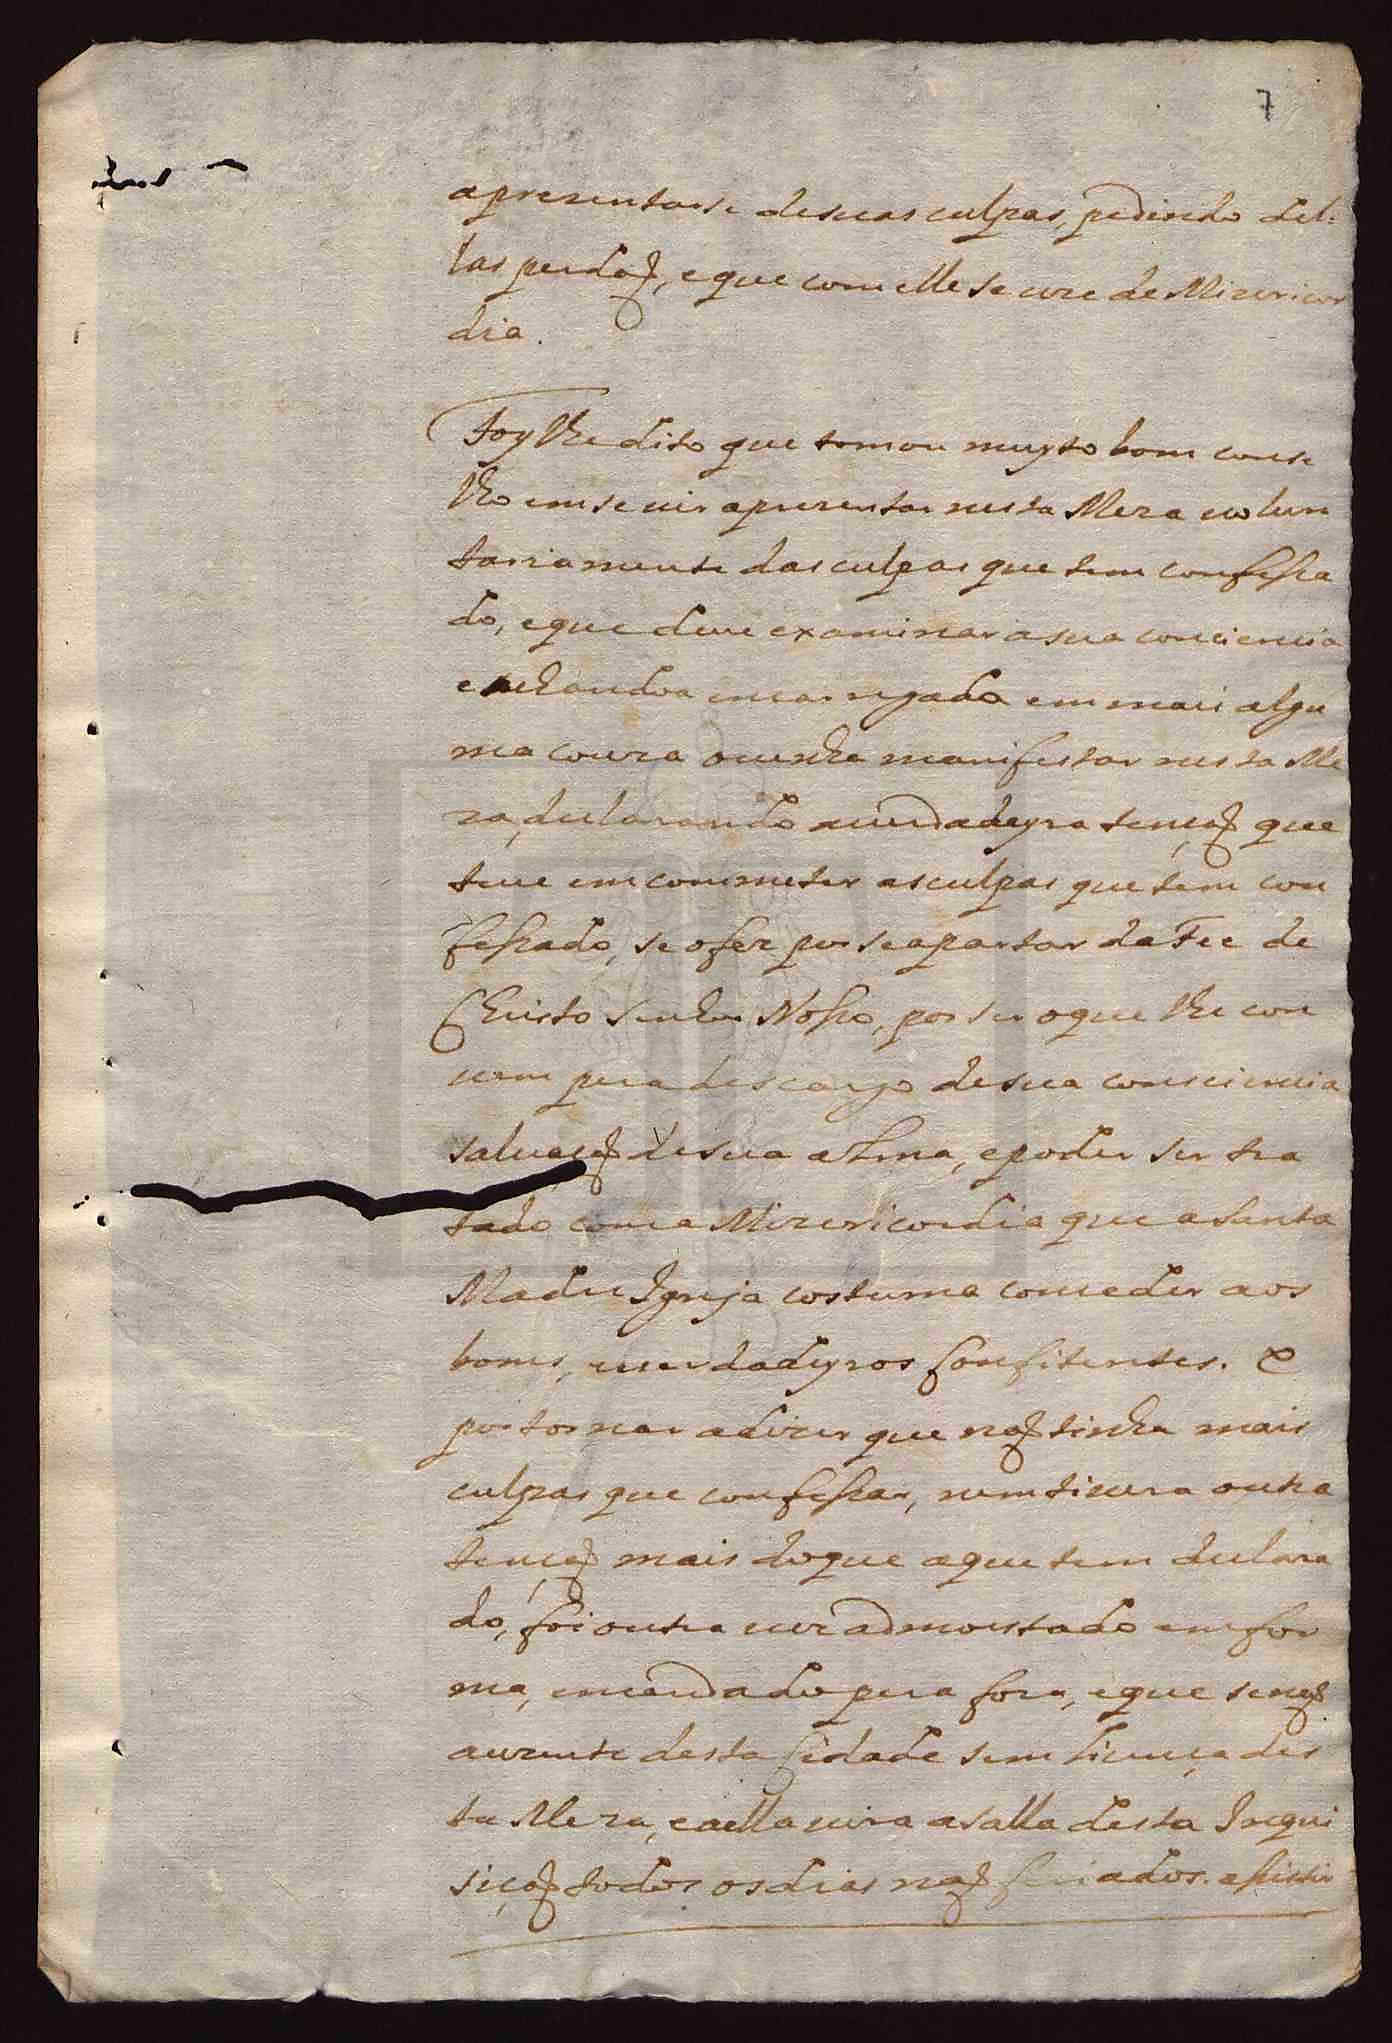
aprezentarse de suas culpas, pedindo del
las perdaõ, e que com elle se uze de Mizericor
dia.
Foyl he dito que tomou muyto bom conse
lho em se uir aprezentar nesta Meza uolun
tariamente das culpas que tem confessa
do, e que deue examinar a sua conciencia
e achandoa encarregada em mais algu
ma couza o uinha manifestar nesta Me
za, declarando a uerdadeyra tençaõ que
teue em commeter as culpas que tem con
fessado, se o fez por se apartar da Fee de
Christo Senhor Nosso, por ser o que lhe com
uem pera descargo de sua consciencia
saluaçaõ de sua alma, e poder ser tra
tado com a Mizericordia que a santa
Madre Igreja costuma conceder aos
boms, e uerdadeyros Confitentes. e
por tornar a dizer que naõ tinha mais
culpas que confessar, nem tiuera outra
tençaõ mais do que a que tem declara
do, foi outra uez admoestado em for
ma, e mandado pera fora, e que se naõ
auzente desta Cidade sem Licença des
ta Meza, e a ella uira a salla desta Inqui
siçaõ todos os dias naõ feriados assistir
